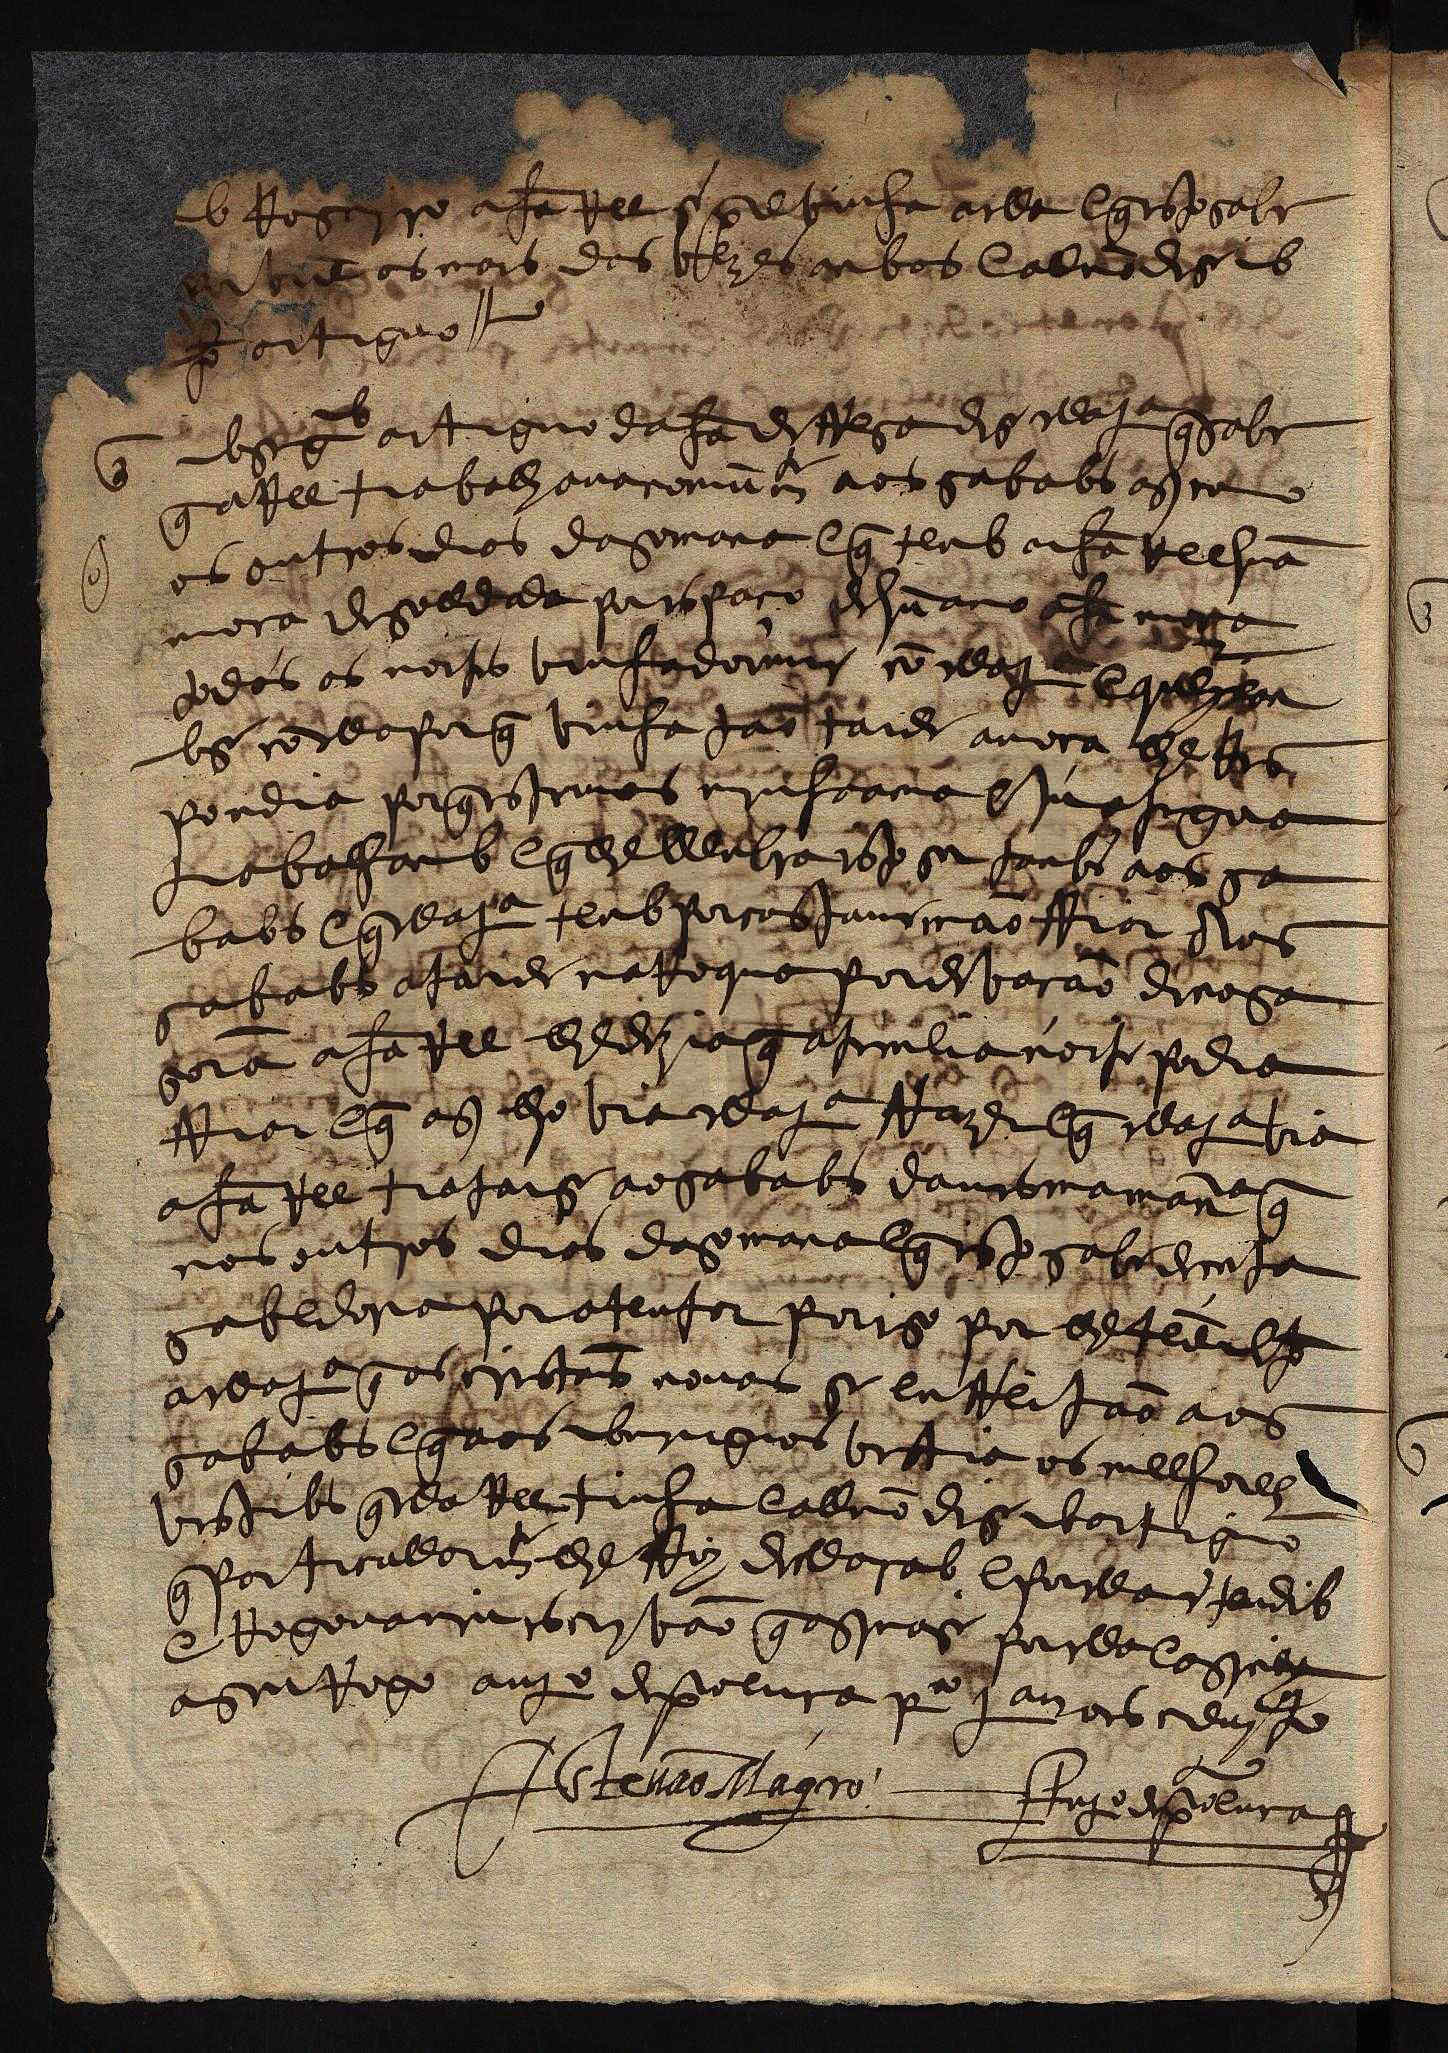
do Rosajro a ħa Ree sēpre vinha a ella e q̅ esto sabe
ouvirē as mais das vezes ambas e al nā dise do
ħo artiguo //
item do segdo artiguo da ħa deffesa dis ella ta q̄ sabe
q̄ a Ree trabalhaua comūmte aos sabados asj como
os outros dias da somana e q̄ tendo a ħa Ree huā
moça de solldada por espaço de hū ano a ħa moça
todos as noites vinha dormir c̄o ella ta e quejxan
dose cō ella porq̄ vinha tao tarde a moça lhe Res
pondia porq̄ estemos mjnha ama e tua te gora
trabalhando e q̄ lhe llenbra isto ser tambē aos sa
bados e q̅ ella ta tendo por costume não ffiar Aos
sabados a tarde na Roqua por devoção de nosa
sorā a ħa Ree lhe dizia q̄ a tinha noite podia
ffiar e q̄ asj lho via ella ta ffazer e q̄ ella ta via
a ħa Ree trajarse ao sabados da mesma manra q̄
nos outros dias da somana e q̄ isto sabe de çerta
sabedoria por atentar por iso por lhe terē dito
a ella ta q̄ os cristãos nouos se enffeitão aos
sabados e q̅ aos domjnguos vestia os melhores
vestidos q̅ ella Ree tinha e all nō dise do artiguo
q̄ particullarmte lhe ffoy decllarado e por ella ētendido
e Rogou a mim escryvão q̄ asjnase por ella e asjney
a seu Rogo anto de proença pco tam o escreuj
